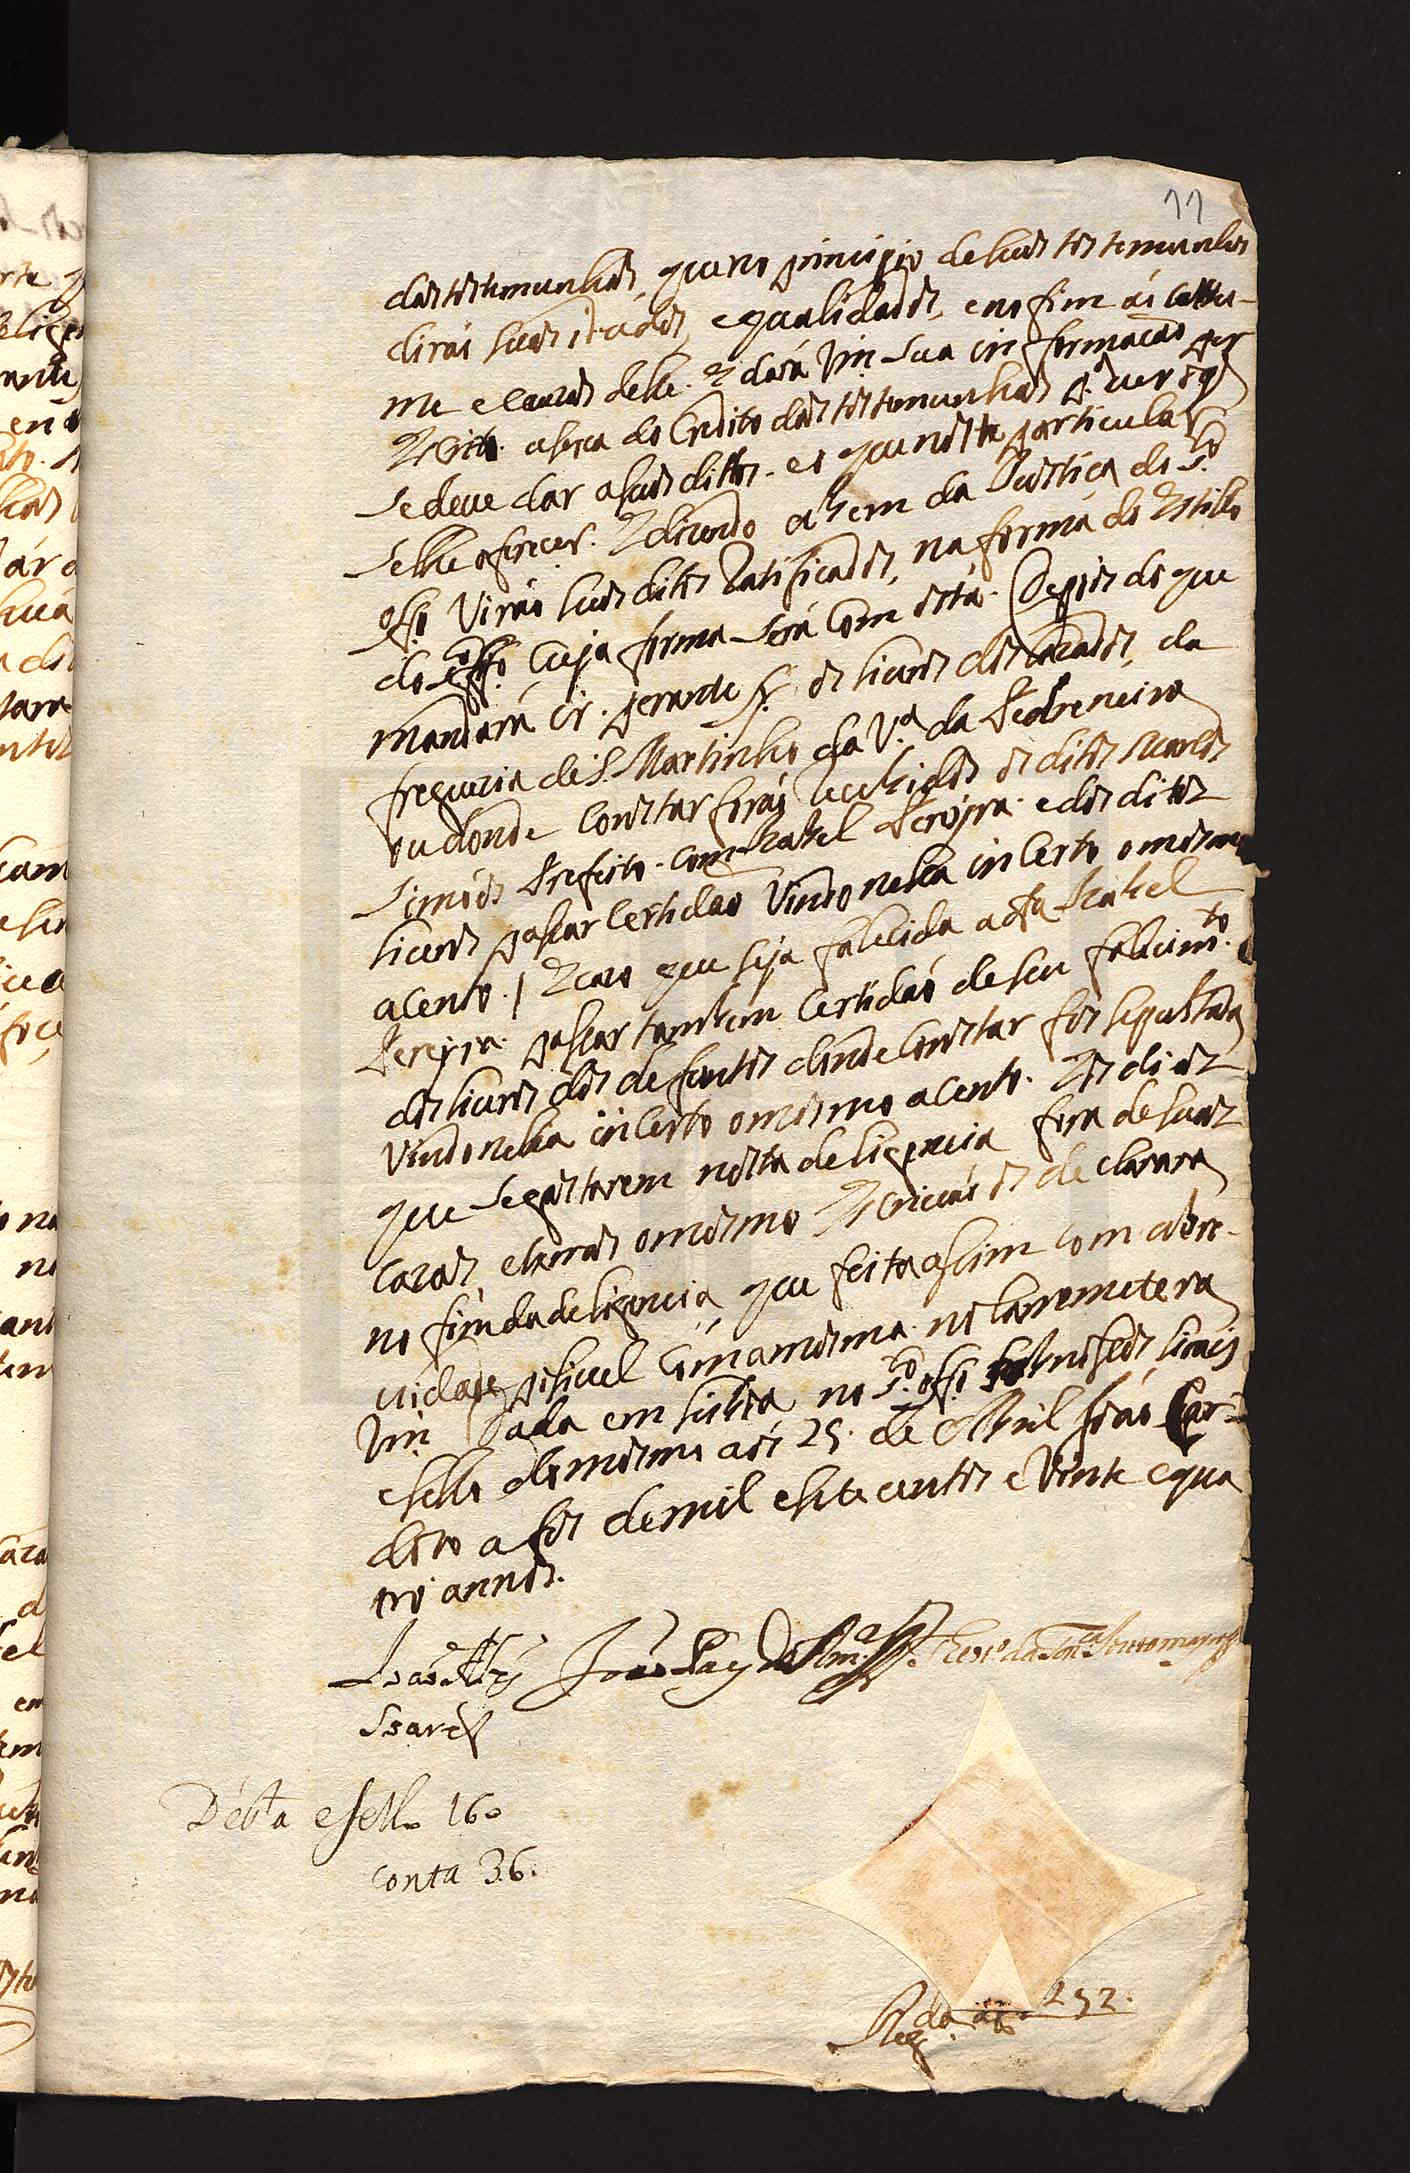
das testemunhas, que no principio de seus testemunhos
diraõ suas idades, e qualidades, e no fim áo costu
me e cauzas delle. E dará vm sua informaçaõ per
Escrito aserca do Credito das testemunhas p.a uer o q̄
se deue dar a seus dittos. e o que neste particular
selhe oferecer. E dizendo a bem da Iustiça do s.to
off.o Viraõ huns ditos Ratificados, na forma do Estillo
do s.to ffo cuja forma será Com esta. Depois do que
mandará ir perante sy. os Liuros dos Cazados, da
freguezia de S. Martinho da V.a da Pedreneira
ou donde constar foraõ Recebidos os ditos Marcos
Simoẽs Prefeito com Izabel Perejra e dos ditos
Liuros passar certidão vindo nella inCerto o mesm
acento./ E caso que seja falecida a d̄a Izabel
Pereyra. passar tambem certidaõ de seu falecim.to
dos Liuros dos defuntos donde Constar for Repostadas
vindo nella inCerto o mesmo acento. E os diaz
que se gastarem nesta deligencia fora de suaz
cazas e terras o mesmo Escriuaõ declarara
no fim da deligencia, que feita asim com a bre
uidade possiuel com a mesma no la rremetera
vm Dada em Lisboa no s.to off.o sob nossos sinais
e sello do mesmo áos 25. de Abril Joaõ Car
dozo a fis de mil e setecentos e Vinte e qua
tro annos.
Ioaõ Alz̄s
João Paes de Alm.a
Theot.o da Fon.ca Santomayor
Soares
Desta e sello 160
conta 36.
Regda 252.
